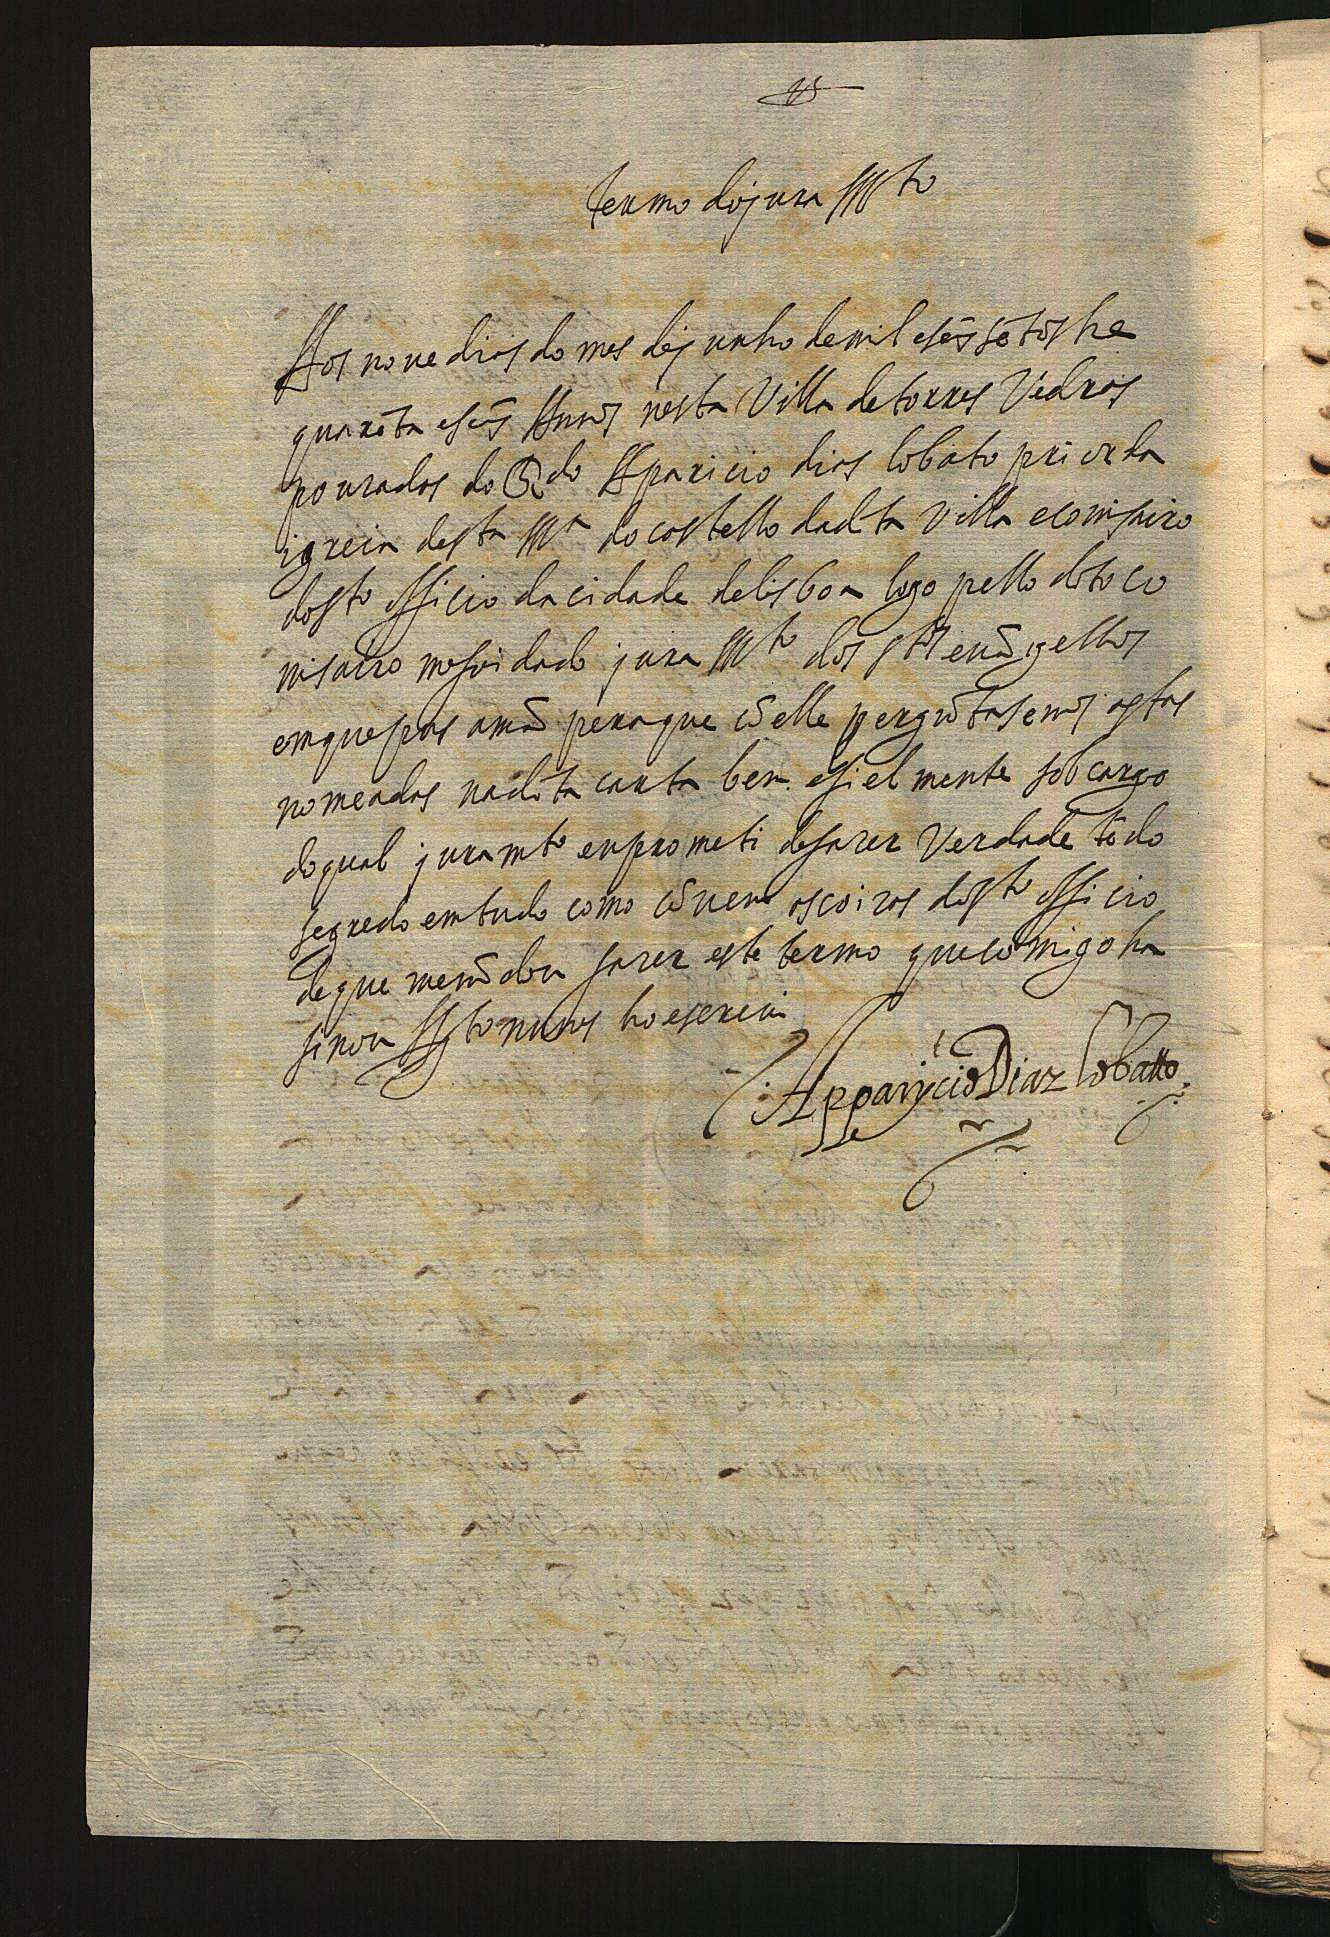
termo do juraMto
Aos noue dias do mes de junho de mil e seissētos he
quarēta e seis Annos nesta villa de torres Vedras
pouzadas do Rdo Aparicio dias lobato prior da
igreia de sta Ma do castello da dita Villa e comisairo
do sto officio da cidade de lisboa logo pello dito co
misairo me foi dado juraMto dos stos euāgelhos
em que pos a maõ pera que cō elle pergūtasemos as tas
nomeadas na dita carta bem e fielmente sob cargo
do qual juramto eu prometi de fazer Verdade tēdo
segredo em tudo como cōuem as coizas do sto officio
de que me mādou fazer este termo que comigo ha
sinou Agto nunes ho escreui
Apparycio Diaz lobatto
